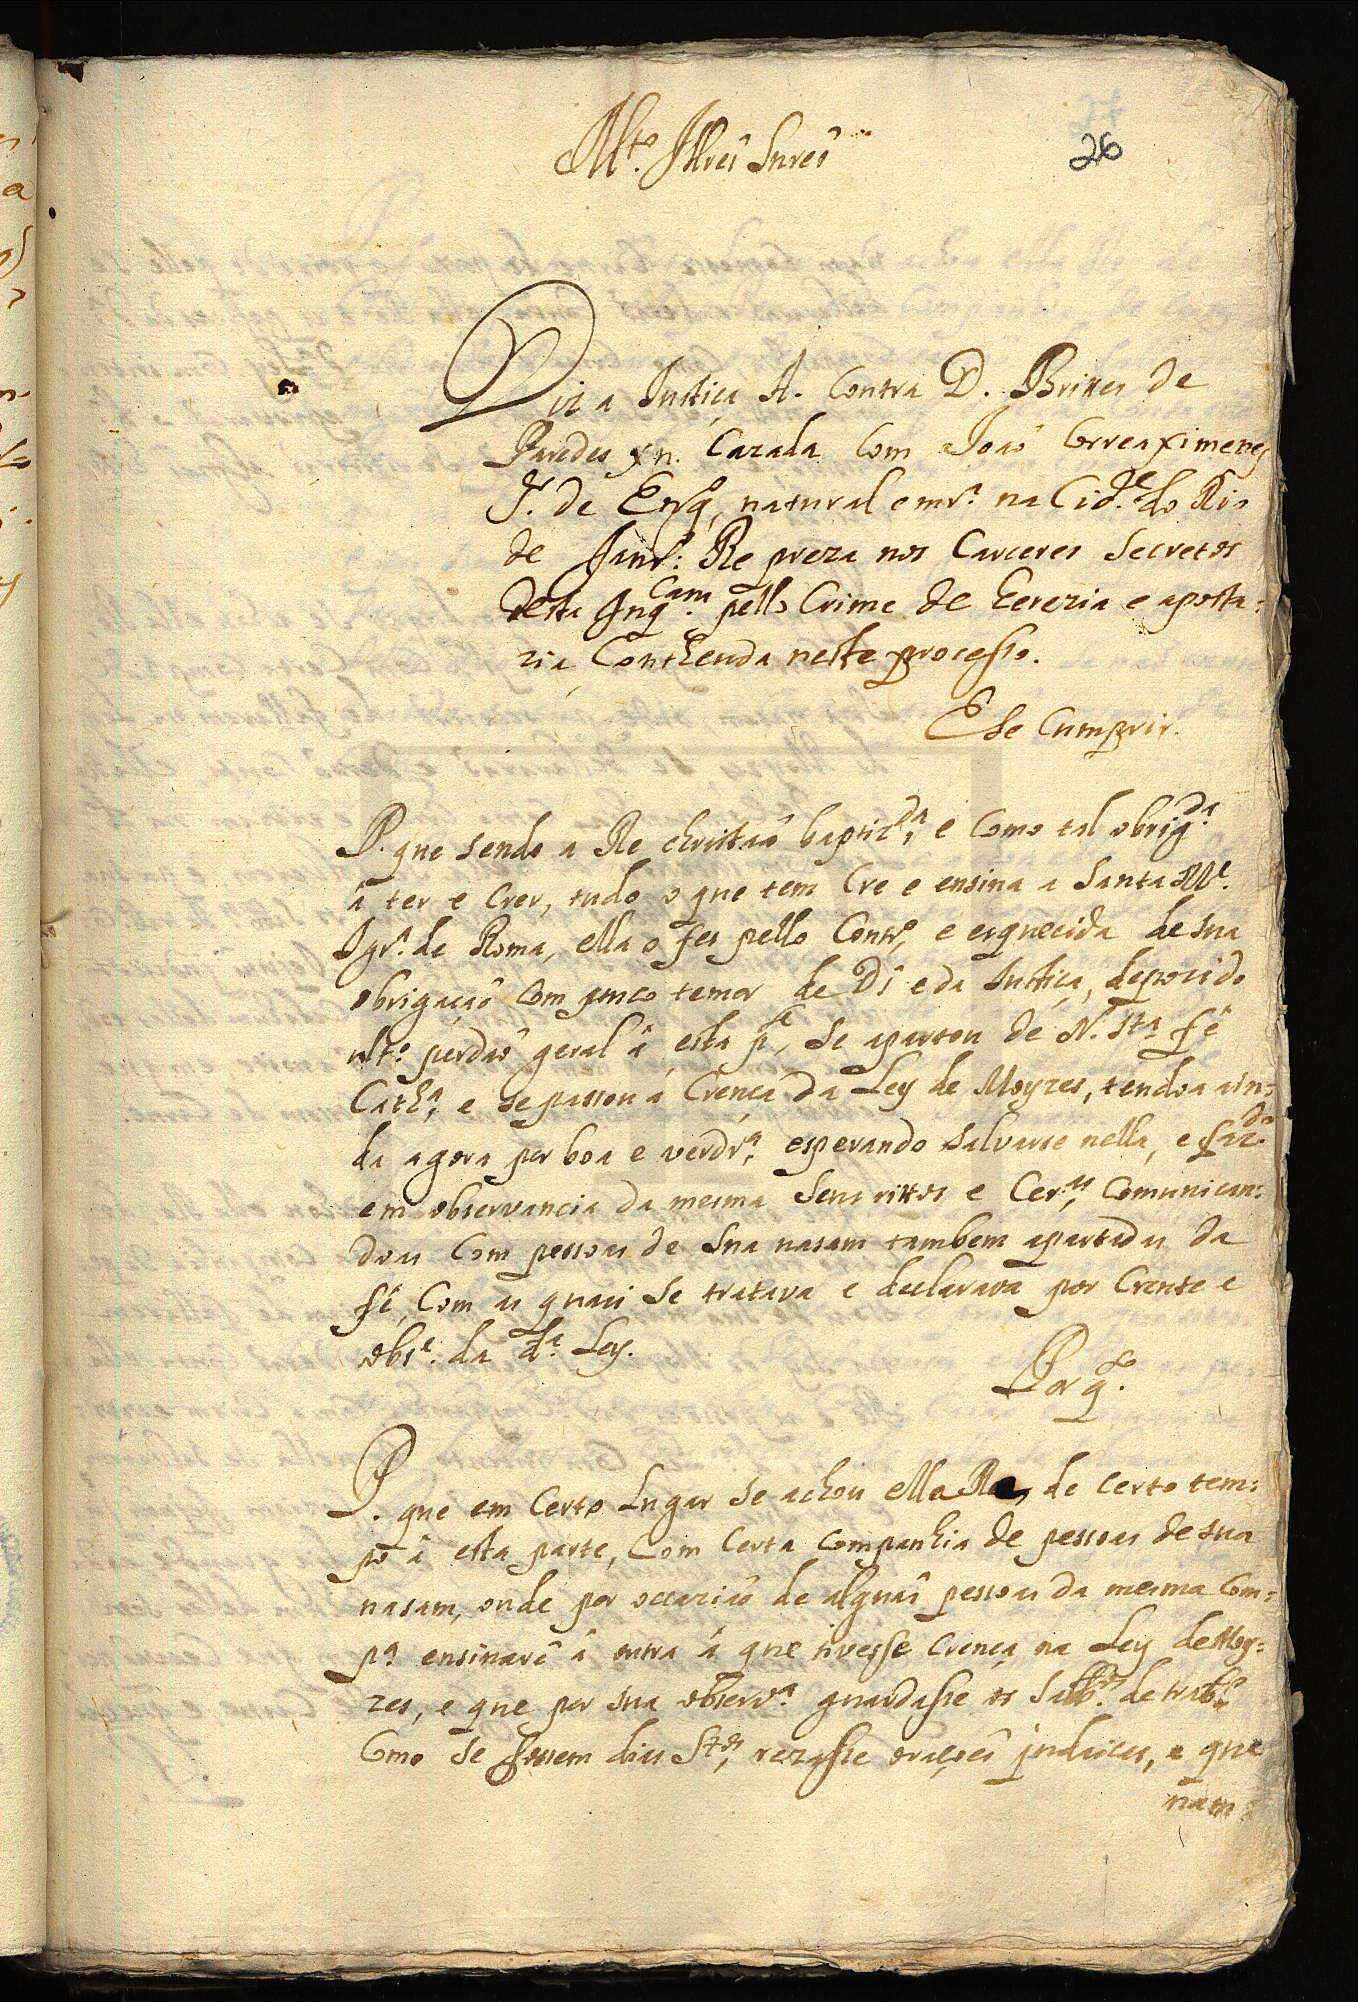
M.to Illres̄ Snres̄
Diz a Iustiça A. Contra D. Brittes de
Paredes x n. Cazada Com Ioaõ Correa Ximenes
S.or de Engo, natural e mr.a na Cid.e do Rio
de Janro: Re preza nos Carceres Secretos
desta Inqcam. pello Crime de herezia e aposta
zia, Contheuda neste processo.
E se Cumprir.
P. que sendo a Re christaã baptizda, e como tal obrig.da
a ter e crer, tudo o que tem Cre e ensina a Santa Me.
Igr.a de Roma, ella o fes pello Contro, e esquecida de sua
obrigaçaõ com pouco temor de Ds̄ e da Iustiça, depois do
ult.o perdaõ geral â esta pte, se apartou de N. St.a fê
Catha, e se passou á Crença da Ley de Moyzes, tendoa ain
da agora por boa e verdra, esperando salvarse nella, e faz.do
em observancia da mesma Seus rittos e Cer.as, Comunican
doas Com pessoas de Sua nasam tambem apartadas da
fé, Com as quais se tratava e declarava por Crente e
obse. da da. Ley.
Porqto.
P. que em Certo Lugar se achou ella Re, de certo tem
po â esta parte, Com Certa Companhia de pessoas de sua
nasam, onde por occazião de alguâs pessoas da mesma com
p.a ensinarē â outra â que tivesse crença na Ley de Moy
zes, e que por sua observ.a guardasse os Sabb.os de trab̄.o
Como Se fossem dias Stos, rezasse orações judaicas, e que
nam
